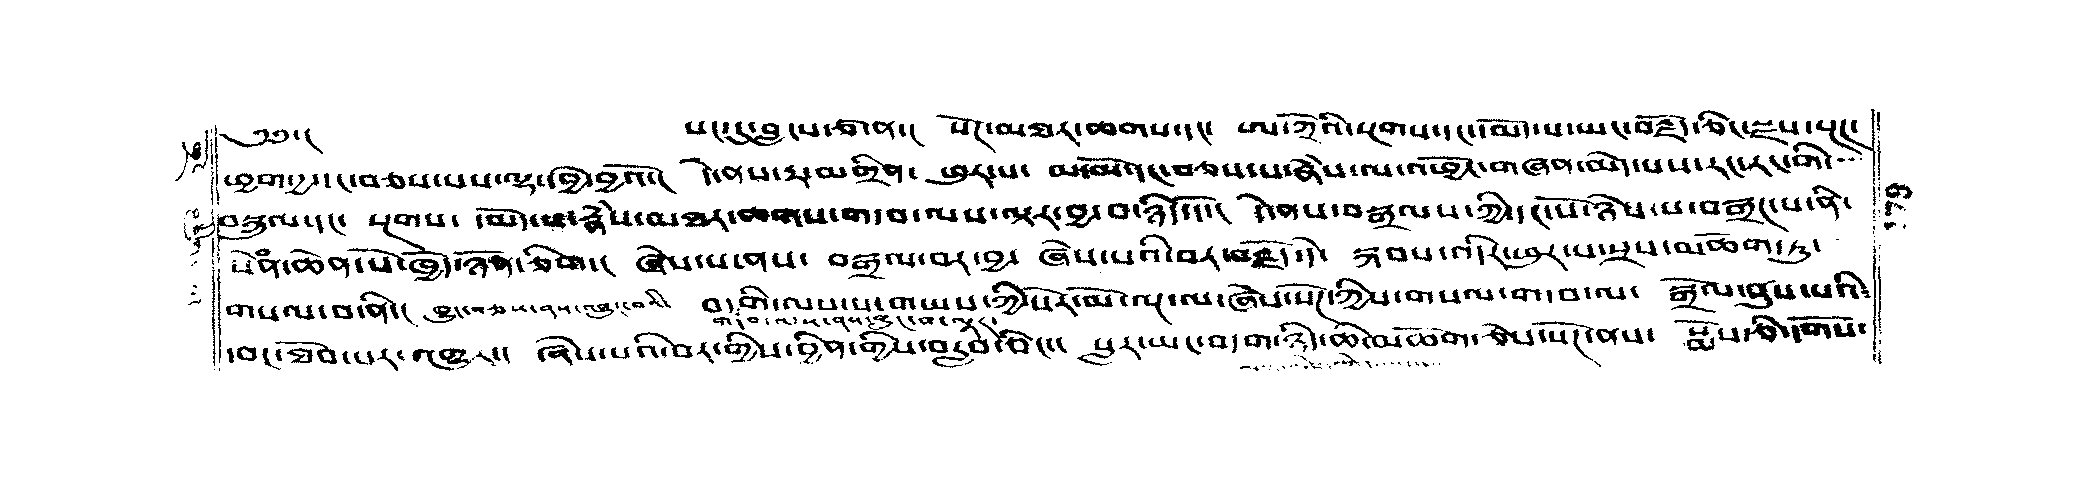པང་དུ་བླང་ཙ་ན། སོགས་མཐར་ཆགས་དང་། ཨ་ཀྲོའི་སྔགས་དང་དམོད་པ་ཡང་བརྗོད་ཅིང་རྫས་སྔགས་
ཕྱག་རྒྱ་དང་བཅས་པས་ལྷ་བྱེ་བྱའོ། དེ་ནས་རྟ་མགྲིན། ཕུར་པ། མ་མོ་དང་བཅས་པ་རྣམས་ལ་འཕྱོང་གཞན་མེད་པས་རང་རང་གི་
བསྐུལ་དང་། སྔགས་དང་། དམོད་པ་རྣམས་མཐར་ཆགས་གདབ་ལས་ལྟར་བྱ་བ་ཉིད་དོ། དེ་ནས་བསྒྲལ་ལས་ཀྱི་དང་པོ་ཉེས་པ་བསྒྲགས་པ་ནི། 
སེམས་ཅན་ཆེན་པོ་ཁྱོད་ཉོན་ཅིག་།ཞེས་པ་ནས། བསྒྲལ་བར་བྱ། ཞེས་པའི་བར་བརྗོད་དེ། སྐབས་འདིར་ཕུར་པ་སྲས་མཆོག་ཏུ་
གསལ་བ་ནི། བདག་གི་ལག་པ་གཡས་ཀྱི་སོརོ་མོ་ལྔ་ལ་ཞེས་སོགས་ཀྱི་གསལ་གདབ་ལ། སྒྲོལ་ནུས་པའི་
དབང་ཐོབ་པར་འགྱུར། །ཞེས་པའི་བར་གྱིས་བྱིན་གྱིས་བརླབ་ཅིང་། སླར་ཡང་བདག་ཉིད་ཆེ་མཆོག་ཅེས་སོགས་ནས། སྨོས་ཅི་དགོས།